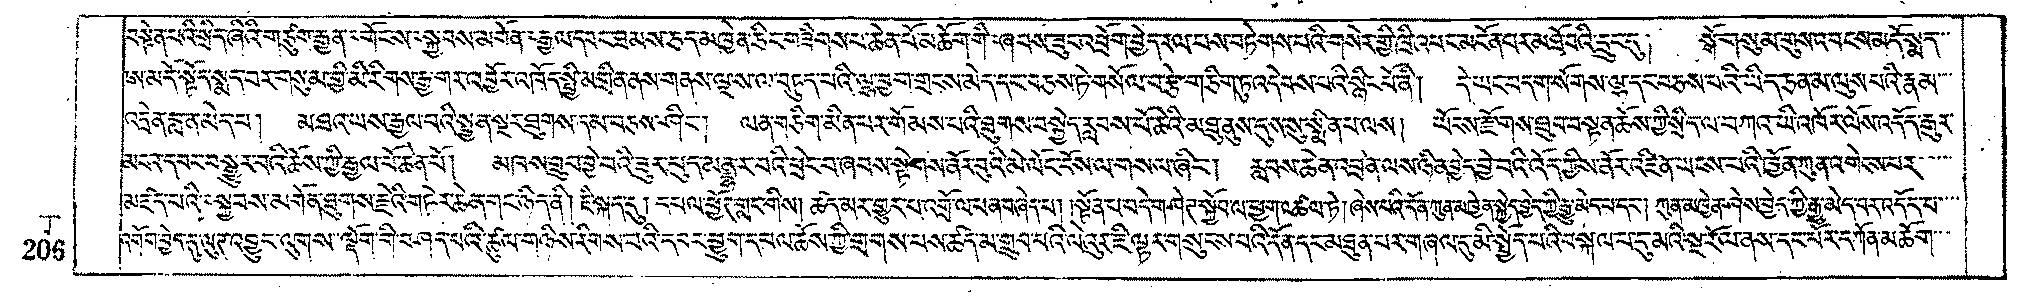བསྟེན་པའི་སྲིད་ཞིའི་གཙུག་རྒྱན ༧གོང་ས ༧སྐྱབས་མགོན ༧རྒྱལ་དབང་ཐམས་ཅད་མཁྱེན་ཅིང་གཟིགས་པ་ཆེན་པོ་མཆོག་གི ༧ཞབས་ཟུང་འཕྲོག་བྱེད་རལ་པས་བཏེགས་པའི་གསེར་གྱི་ཁྲི་འཕང་མངོན་པར་མཐོ་བའི་དྲུང་དུ། སྒོ་གསུམ་གུས་འབངས་མདོ་སྨད་་་
ཨ་མདོ་སྟོད་སྨད་བར་གསུམ་གྱི་མི་རིགས་རྒྱ་གར་འབྱོར་འཁོད་སྤྱི་མགྲིན་ནས་གནས་ལྔ་ས་ལ་བཏུད་པའི་ལྷ་ཕྱག་གྲངས་མེད་དང་བཅས་ཏེ་གསོལ་བ་རྩེ་གཅིག་ཏུ་འདེབས་པའི་སྙིང་པོ་ནི། དེ་ཡང་བདག་སོགས་ལྷ་དང་བཅས་པའི་ཡིད་ཅན་མ་ལུས་པའི་རྣམ་་་
འདྲེན་བླ་ན་མེད་པ། མཐའ་ཡས་རྒྱལ་བའི་སྤྱན་སྔར་ཐུགས་དམ་བཅས་ཤིང་། ལན་གཅིག་མིན་པར་གོམས་པའི་ཐུགས་བསྐྱེད་རླབས་པོ་ཆེའི་མཐུ་ནུས་དུས་སུ་སྨིན་པ་ལས། ཡོངས་རྫོགས་ཐུབ་བསྟན་ཆོས་ཀྱི་སྲིད་ལ་བཀའ་ཡི་འཁོར་ལོས་འདོད་རྒྱུར་
མངའ་དབང་བསྒྱུར་བའི་ཆོས་ཀྱི་རྒྱལ་པོ་ཆེན་པོ། མཁས་གྲུབ་བྱེ་བའི་ཟུར་ཕུད་མན་དྷ་ར་བའི་ཕྲེང་བ་ཞབས་སྟེགས་ནོར་བུའི་མེ་ལོང་ངོས་ལ་གསལ་ཞིང་། རླབས་ཆེན་འཕྲིན་ལས་ཉིན་བྱེད་བྱེ་བའི་འོད་ཀྱིས་ནོར་འཛིན་ཡངས་པའི་ཁྱོན་ཀུན་འགེངས་པར་་་
མཛད་པའི ༧སྐྱབས་མགོན་ཐུགས་རྗེའི་གཏེར་ཆེན་གང་ཉིད་ནི། ཇི་སྐད་དུ། དཔལ་ཕྱོཊ་གླང་གིས། ཚད་མར་གྱུར་པ་འགྲོ་ལ་ཕན་བཞེད་པ། །སྟོན་པ་བདེ་གཤེཊ་སྐྱོབ་ལ་ཕྱག་འཚལ་ཏེ། །ཞེས་པའི་དོན་ཀུན་མཁྱེན་སྐྱེད་བྱེད་ཀྱི་རྒྱུ་མེད་པ་དང་། ཀུན་མཁྱེན་ཤེས་བྱེད་ཀྱི་རྒྱུ་མེད་པར་འདོད་པ་་་
འགོག་བྱེད་དུ་ལུཊ་འབྱུང་ལུགས་ལྡོག་གི་བཤད་པའི་ཚུལ་གཉིས་རིགས་པའི་དབང་ཕྱུག་དཔལ་ཆོས་ཀྱི་གྲགས་པས་ཚད་མ་གྲུབ་པའི་ལེའུར་ཇི་ལྟར་གསུངས་པའི་དོན་དང་མཐུན་པར་གཞལ་དུ་མི་སྤྱོད་པའི་བསྐལ་པ་དུ་མའི་སྔ་རོལ་ནས་དང་པོར་དཀོན་མཆོག་་་